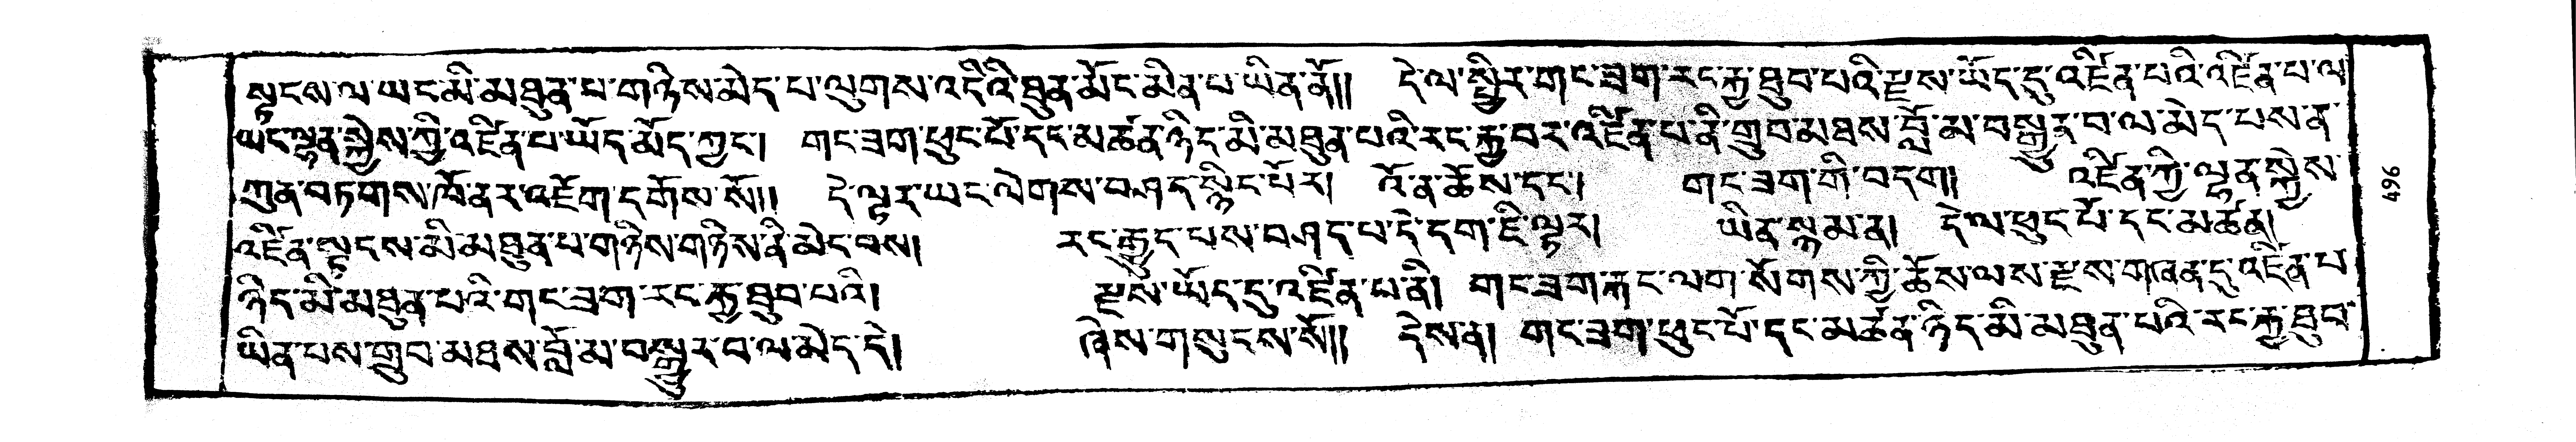སྟངས་ལ་ཡང་མི་མཐུན་པ་གཉིས་མེད་པ་ལུགས་འདིའི་ཐུན་མོང་མིན་པ་ཡིན་ནོ། །དེ་ལ་སྤྱིར་གང་ཟག་རང་རྐྱ་ཐུབ་པའི་རྫས་ཡོད་དུ་འཛིན་པའི་འཛིན་པ་ལ་
ཡང་ལྷན་སྐྱེས་ཀྱི་འཛིན་པ་ཡོད་མོད་ཀྱང་། གང་ཟག་ཕུང་པོ་དང་མཚན་ཉིད་མི་མཐུན་པའི་རང་རྐྱ་བར་འཛིན་པ་ནི་གྲུབ་མཐས་བློ་མ་བསྒྱུར་བ་ལ་མེད་པས་ན་
ཀུན་བཏགས་ཁོ་ནར་འཇོག་དགོས་སོ།། དེ་ལྟར་ཡང་ལེགས་བཤད་སྙིང་པོར། འོ་ན་ཆོས་དང་། གང་ཟག་གི་བདག། འཛིན་ཀྱི་ལྷན་སྐྱེས་
འཛིན་སྟངས་མི་མཐུན་པ་གཉིས་གཉིས་ནི་མེད་པས། རང་རྒྱུད་པས་བཤད་པ་དེ་དག་ཇི་ལྟར། ཡིན་སྙམ་ན། དེ་ལ་ཕུང་པོ་དང་མཚན།
ཉིད་མི་མཐུན་པའི་གང་ཟག་རང་རྐྱ་ཐུབ་པའི། རྫས་ཡོད་དུ་འཛིན་པ་ནི། གང་ཟག་རྐང་ལག་སོགས་ཀྱི་ཆོས་ལས་རྫས་གཞན་དུ་འཛིན་པ་
ཡིན་པས་གྲུབ་མཐས་བློ་མ་བསྒྱུར་བ་ལ་མེད་དེ། ཞེས་གསུངས་སོ། །དེས་ན། གང་ཟག་ཕུང་པོ་དང་མཚན་ཉིད་མི་མཐུན་པའི་རང་རྐྱ་ཐུབ་